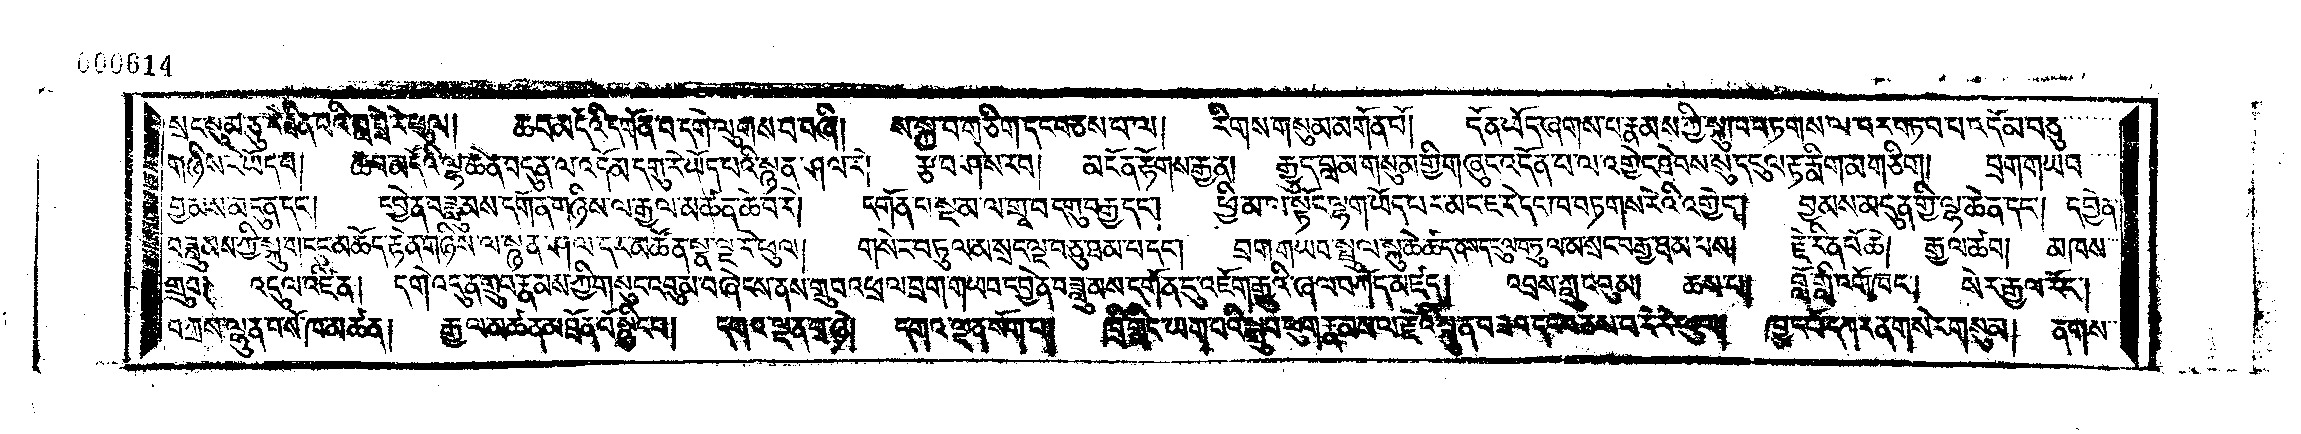སྲང་སུམ་ཅུ་རེ་ཟིན་པའི་བླ་བྲེ་རེ་ཕུལ། ཆབ་མདོའི་དགོན་པ་དགེ་ལུགས་པ་བཞི། ས་སྐྱ་བ་གཅིག་དང་བཅས་པ་ལ། རིགས་གསུམ་མགོན་པོ། དོན་ཡོད་ཞགས་པ་རྣམས་ཀྱི་སྐུ་ཁ་བཏགས་ལ་བར་བཏབ་པ་འདོམ་བཅུ་
གཉིས་རེ་ཡོད་པ། ཆབ་མདོའི་ལྷ་ཆེན་བདུན་ལ་འདོམ་དགུ་རེ་ཡོང་པའི་སྙན་ཤལ་རེ། རྩ་བ་ཤེས་རབ། མངོན་རྟོགས་རྒྱན། རྒྱུད་བླ་མ་གསུམ་གྱི་གཞུང་འདོན་པ་ལ་འགྱེད་ཐེབས་སུ་དངུལ་རྟ་རྨིག་མ་གཅིག། བྲག་གཡབ་
བྱམས་མདུན་དང་། དབྱེན་བཟླུམས་དགོན་གཉིས་ལ་རྒྱལ་མཚན་ཆེ་བ་རེ། དགོན་པ་སྔ་མ་ལ་གྲྭ་བ་དགུ་བརྒྱ་དང་། ཕྱི་མ་ལ་སྟོང་ལྷག་ཡོད་པར་མང་ཇ་རེ་དང་ཁ་བཏགས་རེའི་འགྱེད། བྱམས་མདུན་གྱི་ལྷ་ཆེན་དང་། དབྱེན་
བཟླུམས་ཀྱི་སྐུ་གདུང་མཆོད་རྟེན་གཉིས་ལ་སྙན་ཤལ་དར་མཚོན་སྣ་ལྔ་རེ་ཕུལ། གསེར་བཏུལ་མ་སྲང་ལྔ་བཅུ་ཐམ་པ་དང་། བྲག་གཡབ་སྤྲུལ་སྐུ་ཆེ་ཚད་ནས་དངུལ་བཏུལ་མ་སྲང་བརྒྱ་ཐམ་པས། རྗེ་རིན་པོ་ཆེ། རྒྱལ་ཚབ། མཁས་
གྲུབ༑ འདུལ་འཛིན། དགེ་འདུན་གྲུབ་རྣམས་ཀྱི་གསུང་འབུམ་བཞེངས་ནས་གྲུབ་འཕྲལ་བྲག་གཡབ་དབྱེན་བཟླུམས་དགོན་དུ་འཇོག་རྒྱུའི་ཞལ་བཀོད་མཛད། འབྲས་ཀླུ་འབུམ། ཆས་པ། བློ་གླིང་པོ་ཁང་། སེ་ར་རྒྱལ་རོང་།
བཀྲས་ལྷུན་པ་སོ་ཁམ་ཚན། རྒྱལ་མཚན་མཐོན་པོ་རྙིང་བ། དགའ་ལྡན་བྲ་ཉེ། དགའ་ལྡན་སོག་པ། ཁྲི་གླིང་ཡག་པའི་སྒྲུབ་ཕུག་རྣམས་ལ་རྗེའི་སྐུན་བཟའ་དང་བཅས་པ་རེ་རེ་ཕུལ། ཁྱུང་བོ་དཀར་ནག་སེར་གསུམ། ནགས་